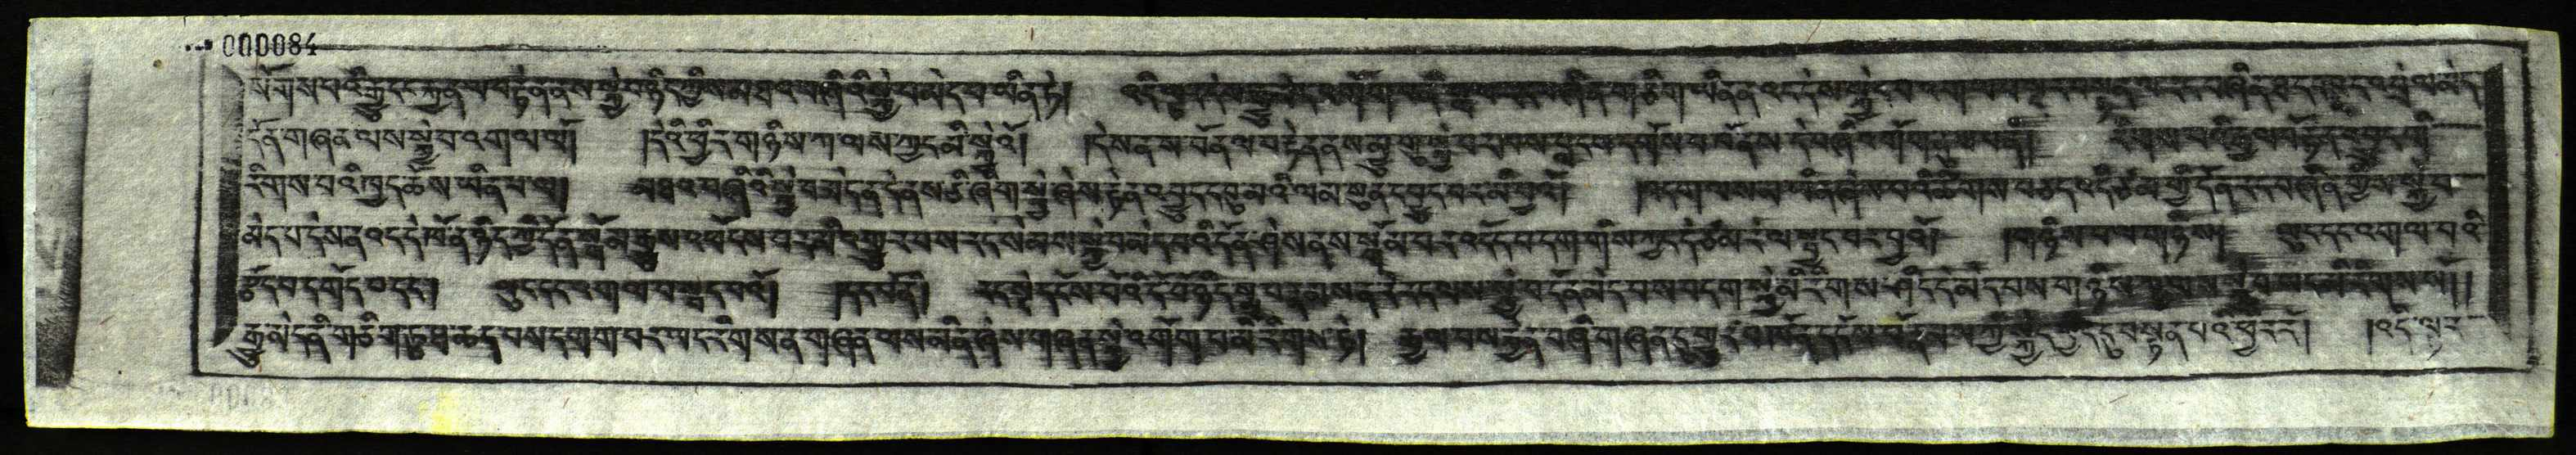སོགས་པའི་རྒྱུ་དང་རྐྱན་ལ་བརྟེན་ནས་སྐྱེ་བ་ཉིད་ཀྱིས་མཐའ་བཞིའི་སྐྱེ་བ་མེད་པ་ཡིན་ཏེ། འདི་ལྟ་ན་དེས་རྒྱུ་མེད་འགོག་པ་ནི་སྐལ་རང་བཞིན་གཅིག་ཡིན་ནའང་དེས་སྐྱེད་མ་ལག་ལས་སྔར་བསྟན་པ་རང་བཞིན་ཐ་དད་ནའང་འབྲེལ་མེད་
དོན་གཞན་ལས་སྐྱེ་བ་འགལ་ལོ། །དེའི་ཕྱིར་གཉིས་ཀ་ལས་ཀྱང་མི་སྐྱེའོ། །དེས་ན་ས་བོན་ལ་བརྟེན་ནས་མྱུ་གུ་སྐྱེ་བར་ཁས་བླང་བ་དགོས་པ་སོ་ནས་དེ་བཞི་འགོག་ནུས་པ་ནི། རིགས་པའི་རྒྱལ་པོ་རྟེན་འབྱུང་གི་
རིགས་པའི་ཁྱད་ཆོས་ཡིན་པ་ལ། མཐའ་བཞིའི་སྐྱེ་བ་མེད་ནི་དེ་ནས་ཅི་ཞིག་སྐྱེ་ཞེས་རྟེན་འབྱུང་དབུ་མའི་ལམ་སུན་དབྱུང་བར་མི་བྱའོ། །བདག་ལས་མ་ཡིན་ཞེས་པའི་ཚིགས་བཅད་འདི་ཙམ་གྱི་དོན་རང་བཞིན་གྱིས་སྐྱེ་བ་
མེད་པ་དེས་ནའང་དེ་ཁོ་ན་ཉིད་ཀྱི་དོན་སྒོམ་རྒྱུས་འཕོངས་པར་མི་འགྱུར་བས་རང་སེམས་སྐྱེ་བ་མེད་པའི་དོན་ཤེས་ནས་སྒོམ་བར་འདོད་པ་དག་གིས་ཀྱང་དེ་ཙམ་རེ་ལ་སྦྱད་པར་བྱའོ། །གཉིས་པ་ལ་གཉིས། ལུང་དང་འགལ་བའི་
རྩོད་པ་དགོད་པ་དང་། ལུང་དང་འགལ་བ་སྤང་པའོ། །དང་པོ་ནི། རང་སྡེ་དངོས་པོའི་ངོ་བོ་ཉིད་སྒྲུབ་རྣམས་ན་རེ་རང་ལས་སྐྱེ་བ་དོན་མེད་པས་བདག་སྐྱེ་མི་རིགས་ཤིང་དེ་མེད་པས་གཉིས་ཀ་ལས་སྐྱེ་བ་ཡང་མི་རིགས་སོ།།
རྒྱུ་མེད་ནི་གཅིག་ཏུ་ཐ་ཆད་པས་དགག་པར་ཡང་རིགས་ན་གཞན་ལས་མིན་ཞེས་གཞན་སྐྱེ་འགོག་པ་མི་རིགས་ཏེ། རྒྱལ་བས་རྐྱེན་བཞི་གཞན་དུ་གྱུར་བ་ཁོ་ན་དངོས་པོ་རྣམས་ཀྱི་སྐྱེད་ཕྱིར་དུ་བསྟན་པའི་ཕྱིར་རོ། །འདི་ལྟར་